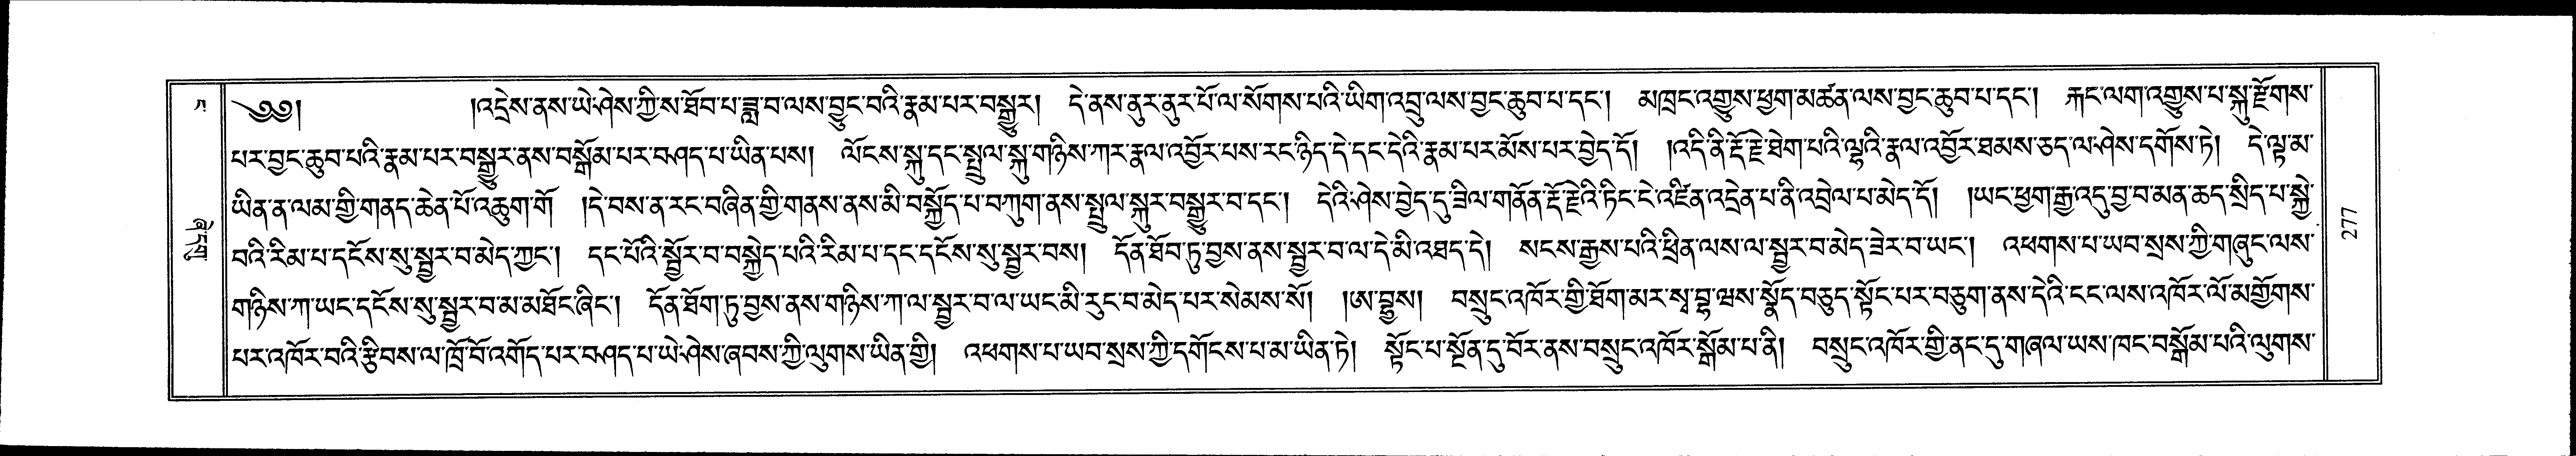༄༅། །འདྲེས་ནས་ཡེ་ཤེས་ཀྱི་ས་ཐོབ་པ་ཟླ་བ་ལས་བྱུང་བའི་རྣམ་པར་བསྒྱུར། དེ་ནས་ནུར་ནུར་པོ་ལ་སོགས་པའི་ཡིག་འབྲུ་ལས་བྱང་ཆུབ་པ་དང་། མཁྲང་འགྱུས་ཕྱག་མཚན་ལས་བྱང་ཆུབ་པ་དང་། རྐང་ལག་འགྱུས་པ་སྐུ་རྫོགས་
པར་བྱང་ཆུབ་པའི་རྣམ་པར་བསྒྱུར་ནས་བསྒོམ་པར་བཤད་པ་ཡིན་པས། ལོངས་སྐུ་དང་སྤྲུལ་སྐུ་གཉིས་ཀར་རྣལ་འབྱོར་པས་རང་ཉིད་དེ་དང་དེའི་རྣམ་པར་མོས་པར་བྱེད་དོ། །འདི་ནི་རྡོ་རྗེ་ཐེག་པའི་ལྷའི་རྣལ་འབྱོར་ཐམས་ཅད་ལ་ཤེས་དགོས་ཏེ། དེ་ལྟ་མ་
ཡིན་ན་ལམ་གྱི་གནད་ཆེན་པོ་འཆུག་གོ །དེ་བས་ན་རང་བཞིན་གྱི་གནས་ནས་མི་བསྐྱོད་པ་བཀུག་ནས་སྤྲུལ་སྐུར་བསྒྱུར་བ་དང་། དེའི་ཤེས་བྱེད་དུ་ཟིལ་གནོན་རྡོ་རྗེའི་ཏིང་ངེ་འཛིན་འདྲེན་པ་ནི་འབྲེལ་པ་མེད་དོ། །ཡང་ཕྱག་རྒྱ་འདུ་བྱ་བ་མན་ཆད་སྲིད་པ་སྐྱེ་
བའི་རིམ་པ་དངོས་སུ་སྦྱར་བ་མེད་ཀྱང་། དང་པོའི་སྦྱོར་བ་བསྐྱེད་པའི་རིམ་པ་དང་དངོས་སུ་སྦྱར་བས། དོན་ཐོབ་ཏུ་བྱས་ནས་སྦྱར་བ་ལ་དེ་མི་འཐད་དེ། སངས་རྒྱས་པའི་ཕྲིན་ལས་ལ་སྦྱར་བ་མེད་ཟེར་བ་ཡང་། འཕགས་པ་ཡབ་སྲས་ཀྱི་གཞུང་ལས་
གཉིས་ཀ་ཡང་དངོས་སུ་སྦྱར་བ་མ་མཐོང་ཞིང་། དོན་ཐོག་ཏུ་བྱས་ནས་གཉིས་ཀ་ལ་སྦྱར་བ་ལ་ཡང་མི་རུང་བ་མེད་པར་སེམས་སོ། །ཨ་བྷྱས། བསྲུང་འཁོར་གྱི་ཐོག་མར་སྭ་བྷ་ཝས་སྣོད་བཅུད་སྟོང་པར་བཅུག་ནས་དེའི་ངང་ལས་འཁོར་ལོ་མགྱོགས་
པར་འཁོར་བའི་རྩིབས་ལ་ཁྲོ་བོ་འགོད་པར་བཤད་པ་ཡེ་ཤེས་ཞབས་ཀྱི་ལུགས་ཡིན་གྱི། འཕགས་པ་ཡབ་སྲས་ཀྱི་དགོངས་པ་མ་ཡིན་ཏེ། སྟོང་པ་སྔོན་དུ་བོར་ནས་བསྲུང་འཁོར་སྒོམ་པ་ནི། བསྲུང་འཁོར་གྱི་ནང་དུ་གཞལ་ཡས་ཁང་བསྒོམ་པའི་ལུགས་